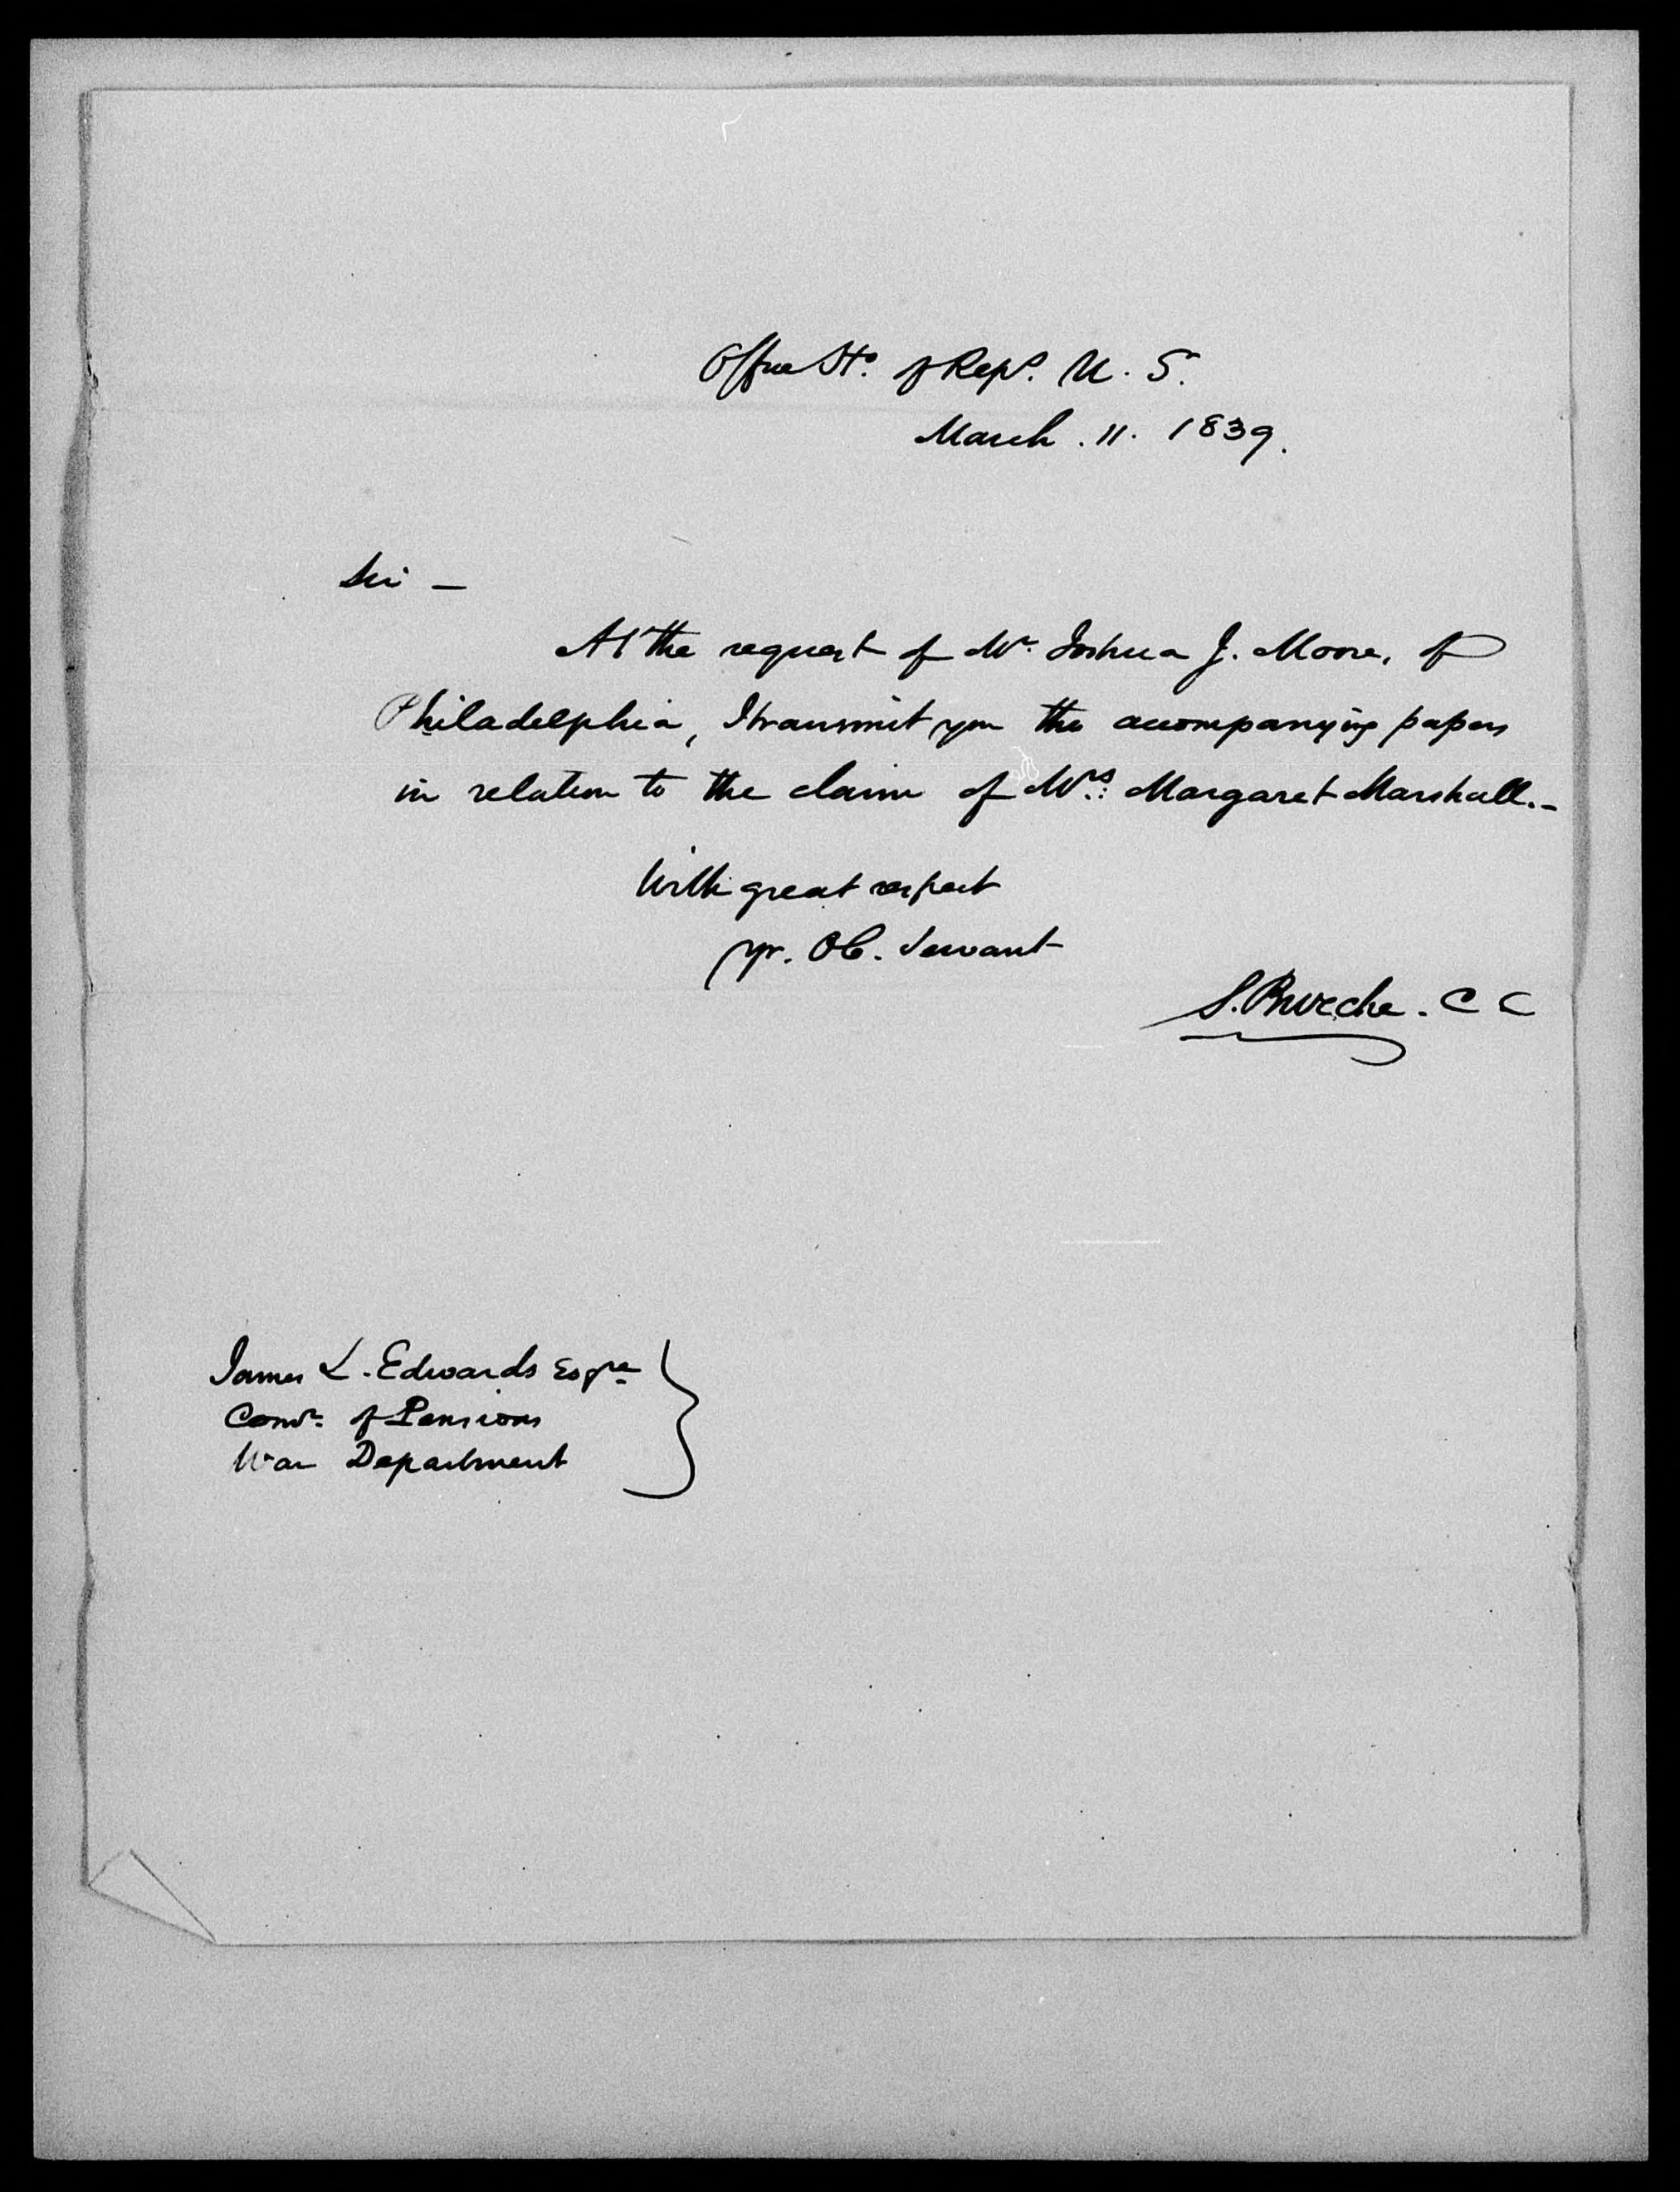Office Hs.
of Reps. U. S.
March 11. 1839
Sir--
At the request of Mr Joshua J. Moore of
Philadelphia I transmit you the accompanying papers
in relation to the claim of Mrs Margaret Marshall
with great respect
Your Ob. Servant
S. Burche CC
James L. Edwards Esq
Comr of Pensions
War Department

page: 54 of 86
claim: widow's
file: W. 3571, for David Marshall, Pennsylvania